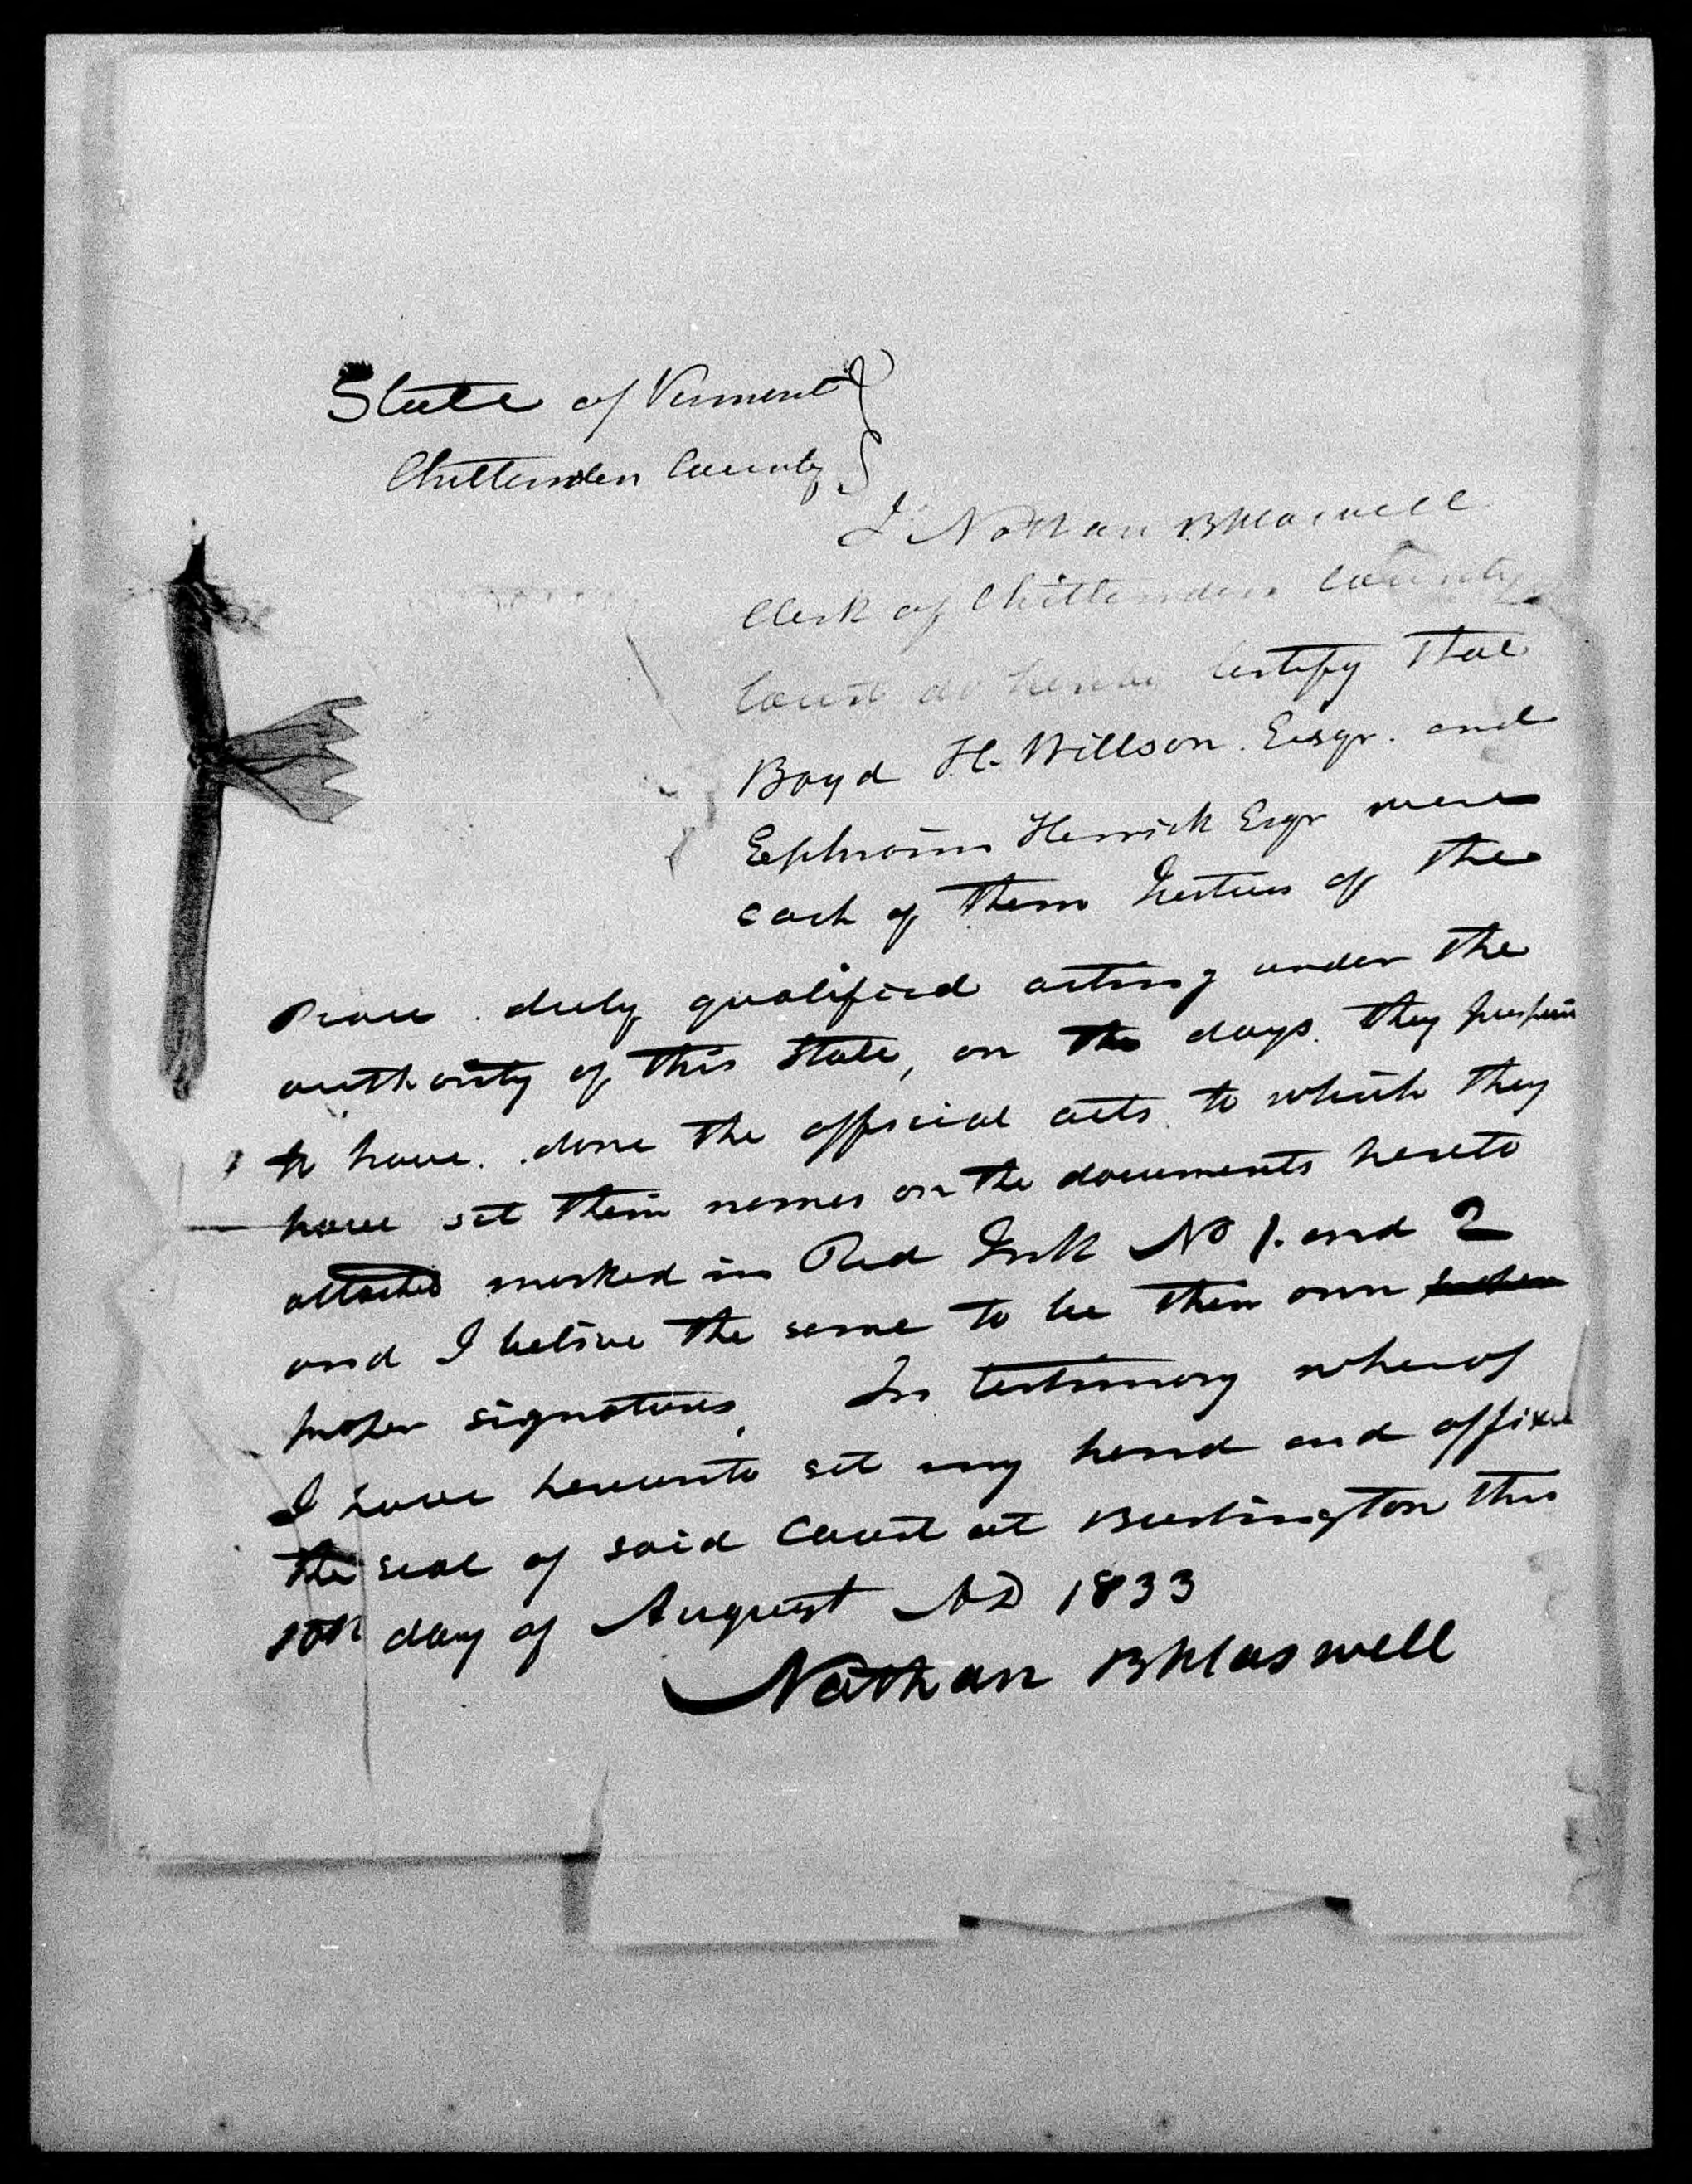State of Vermont, Chittenden County
I Nathan B Maswell, clerk of Chittenden County court do hereby certify that Boyd H Willson Esq and Ephraim Herrick Esq were each of them Justices of the Peace duly qualified acting under the authority of this state, on the days they [illegible] to have done the official acts to which they have set their names on the documents hereto attached marked in Red Ink No 1 and 2 and I believe the same to be their own proper signatures.  In testimony whereof I have hereunto set my hand and affixed the seal of the said court at Burlington this 10th day of August AD 1833
Nathan B Maswell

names: Ephraim Herrick; Boyd H Willson; Nathan B Maswell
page: 5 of 23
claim: survivor's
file: S 14072, for Elisha Owen, Vermont